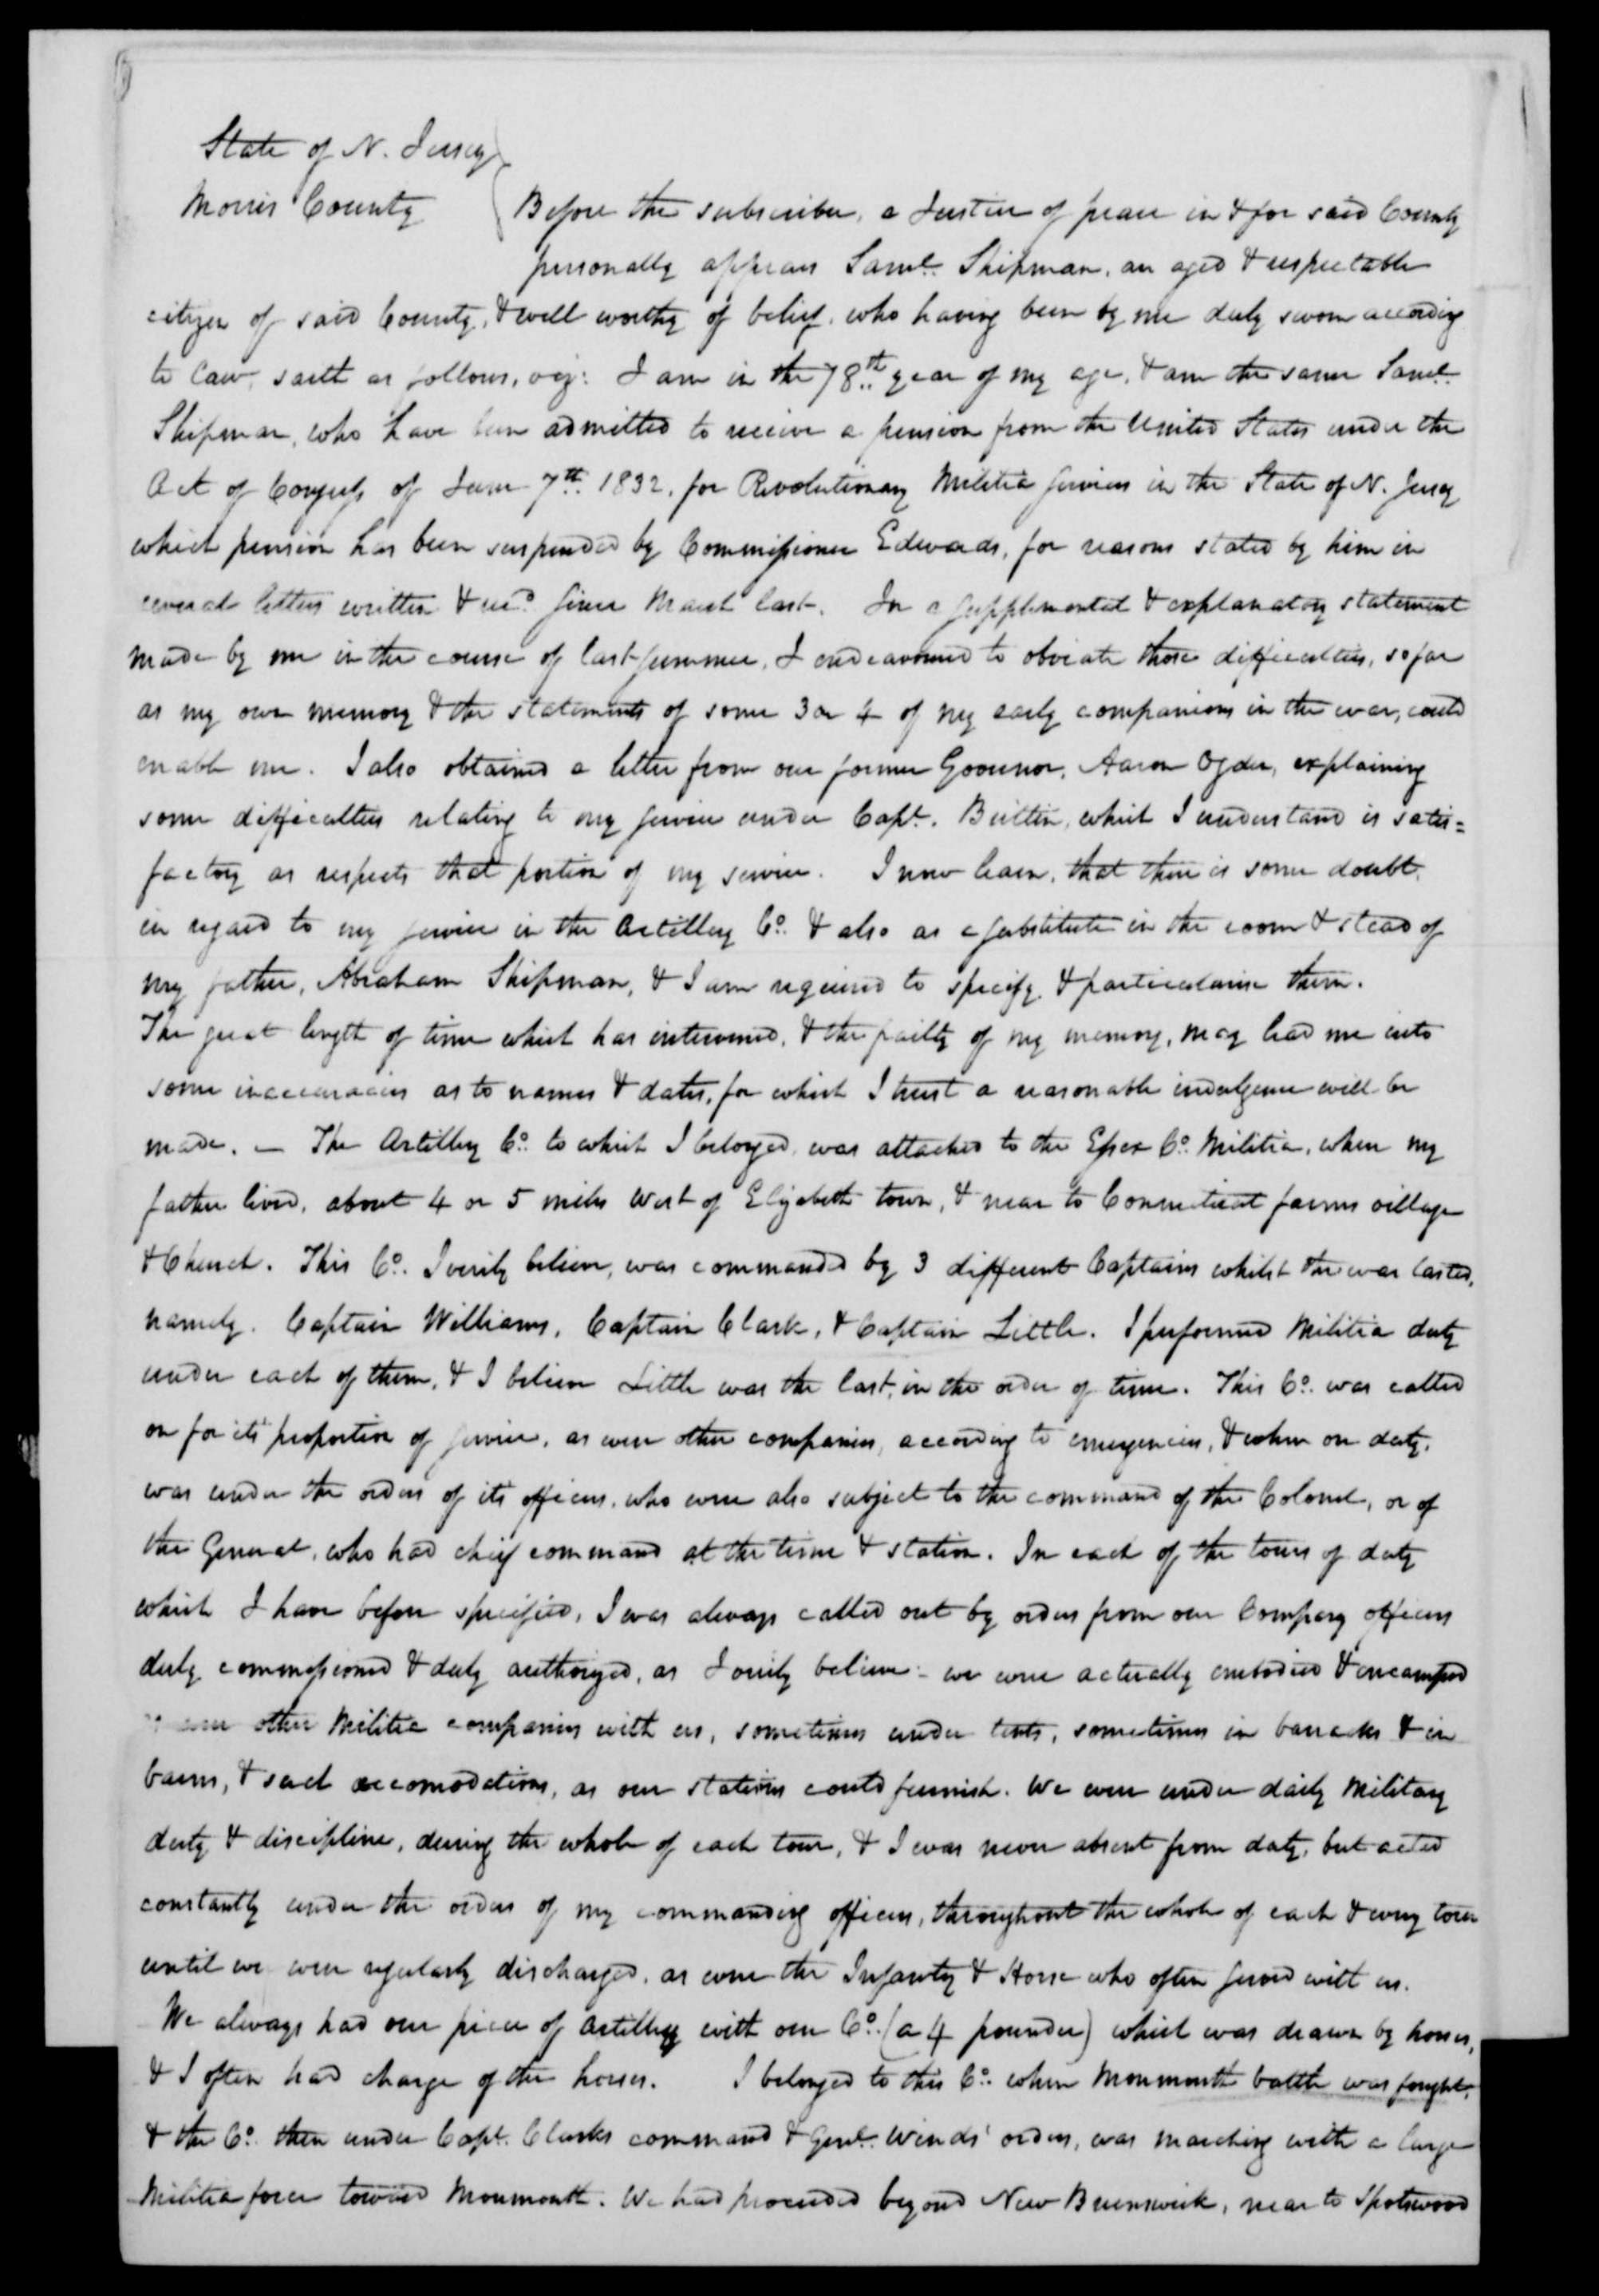State of N. Jersey }
Morris County }
Before the subscriber a Justice of peace in & for said County personally appears Saml. Shipman, an aged & respectable citizen of said County, & well worthy of belief, who having been by me duly sworn according to law saith as follows, viz: I am in the 78th year of my age, & an the same Saml. Shipman who have been admitted to receive a pension from the United States under the Act of Congress of June 7th 1832, for Revolutionary Militia services in the State of N. Jersey which pension has been suspended by Commissioner Edwards, for reasons stated by him in several letters written & used since March last. In a supplemental & explanatory statement made by me in the course of last summer, & endeavored to obviate those difficulties, so far as my own memory & the statements of some 3 or 4 of my early companions in the war, could enable me. I also obtained a letter from our former Governor, Aaron Ogden, explaining some difficulties relating to my service under Capt. Brittin [Britton], which I understand is satisfactory as respects that portion of my service. I now learn, that there is some doubt in regard to my service in the Artillery Co & also as a substitute in the room & stead of my father. Abraham Shipman, & I am required to specify & particularise them.  
The great length of time which has intervened, & the frailty of my memory, may lead me into
some inaccuracies as to names & dates, for which I trust a reasonable indulgence will be
made. The Artillery to which I belonged was attached to the Essex Co. Militia, when my
father lived about 4 or 5 miles west of Elizabeth town, & near to Connecticut farms village
& Church. This Co. I verily believe, was commanded by a different Captains whilst the war lasted, namely, Captain Williams, Captain Clark & Captain Little.  I performed Militia duty
under each of them, & I believe Little was the last, in the order of time. This Co. was called
for its proportion of service, as were other companies, according to emergencies, & when on duty was under the order of its officers, who were also subject to the command of the Colonel, or of the General, who had chief command at the time & station. In each of the tours of duty which I have before specified, I was always called out by orders from our company officers duly commissioned & duly authorized, as I verily believe-- we were actually embodied & encamped [illegible] other militia companies with us, sometimes under tents, sometimes in Barracks & in barns, & such accom[m]odations, as our stations could furnish. We even under daily military duty & discipline, during the whole of each town, & I was never absent from duty, but acted constantly under the orders of my commanding officers, throughout the whole of each & every tour until we were regularly discharged, as were the Infantry & Horse who often served with us. 
We always had our piece of artillery with one Co. (a 4 pounder) which was drawn by horses
& I often had charge of the horses. I belonged to this Co. when Monmouth battle was fought
& the Co. then under Capt. Clarks command & Genl Winds orders, was marching with a large Militia force toward Monmouth. We had proceeded beyond New Brunswick, near to Spotswood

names: Aaron Ogdee; [BLANK] Edwards; Saml Shipman; [BLANK] Clark; [BLANK] Little; [BLANK] Winds; [BLANK] Clarks; Saml Shipman; [BLANK] Brittin; Abraham Shipman; [BLANK] Little; [BLANK] Williams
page: 32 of 44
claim: survivor's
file: S. 912, for Samuel Shipman, New Jersey